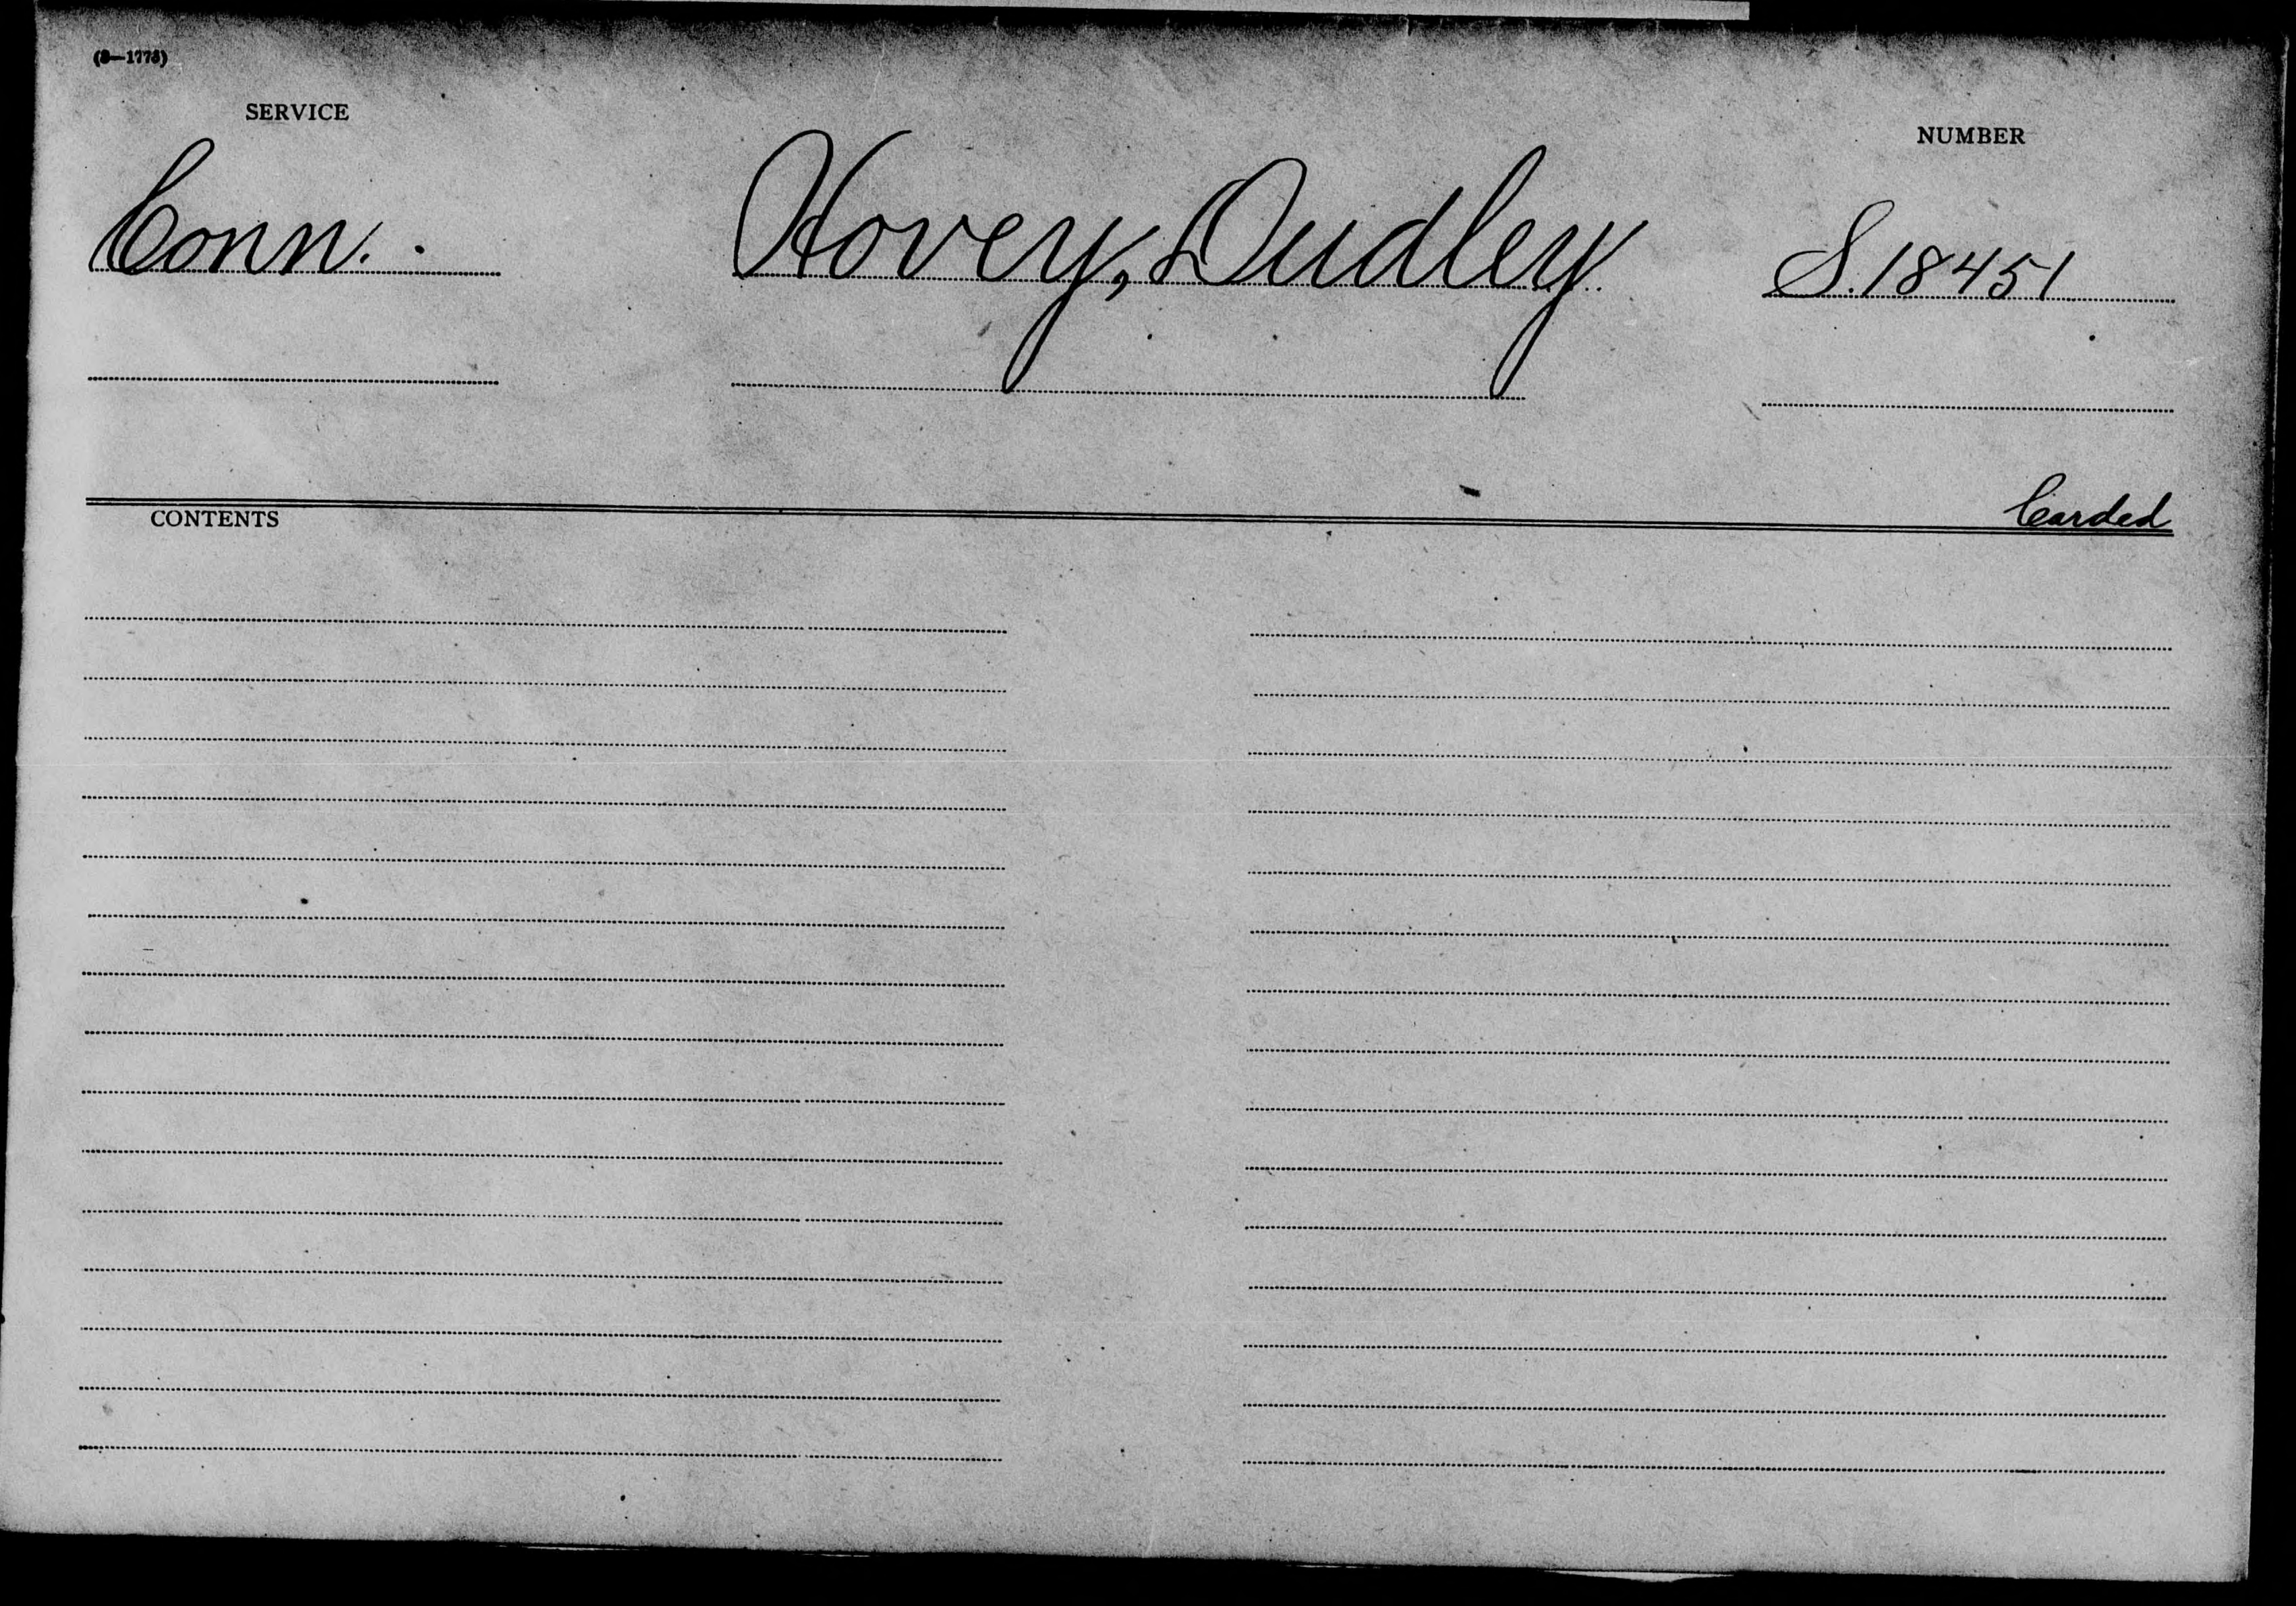Service
Conn

Hovey, Dudley

Number
S18451

Contents

Carded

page: 1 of 13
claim: survivor's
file: S. 18451, Dudley Hovey, Conn.